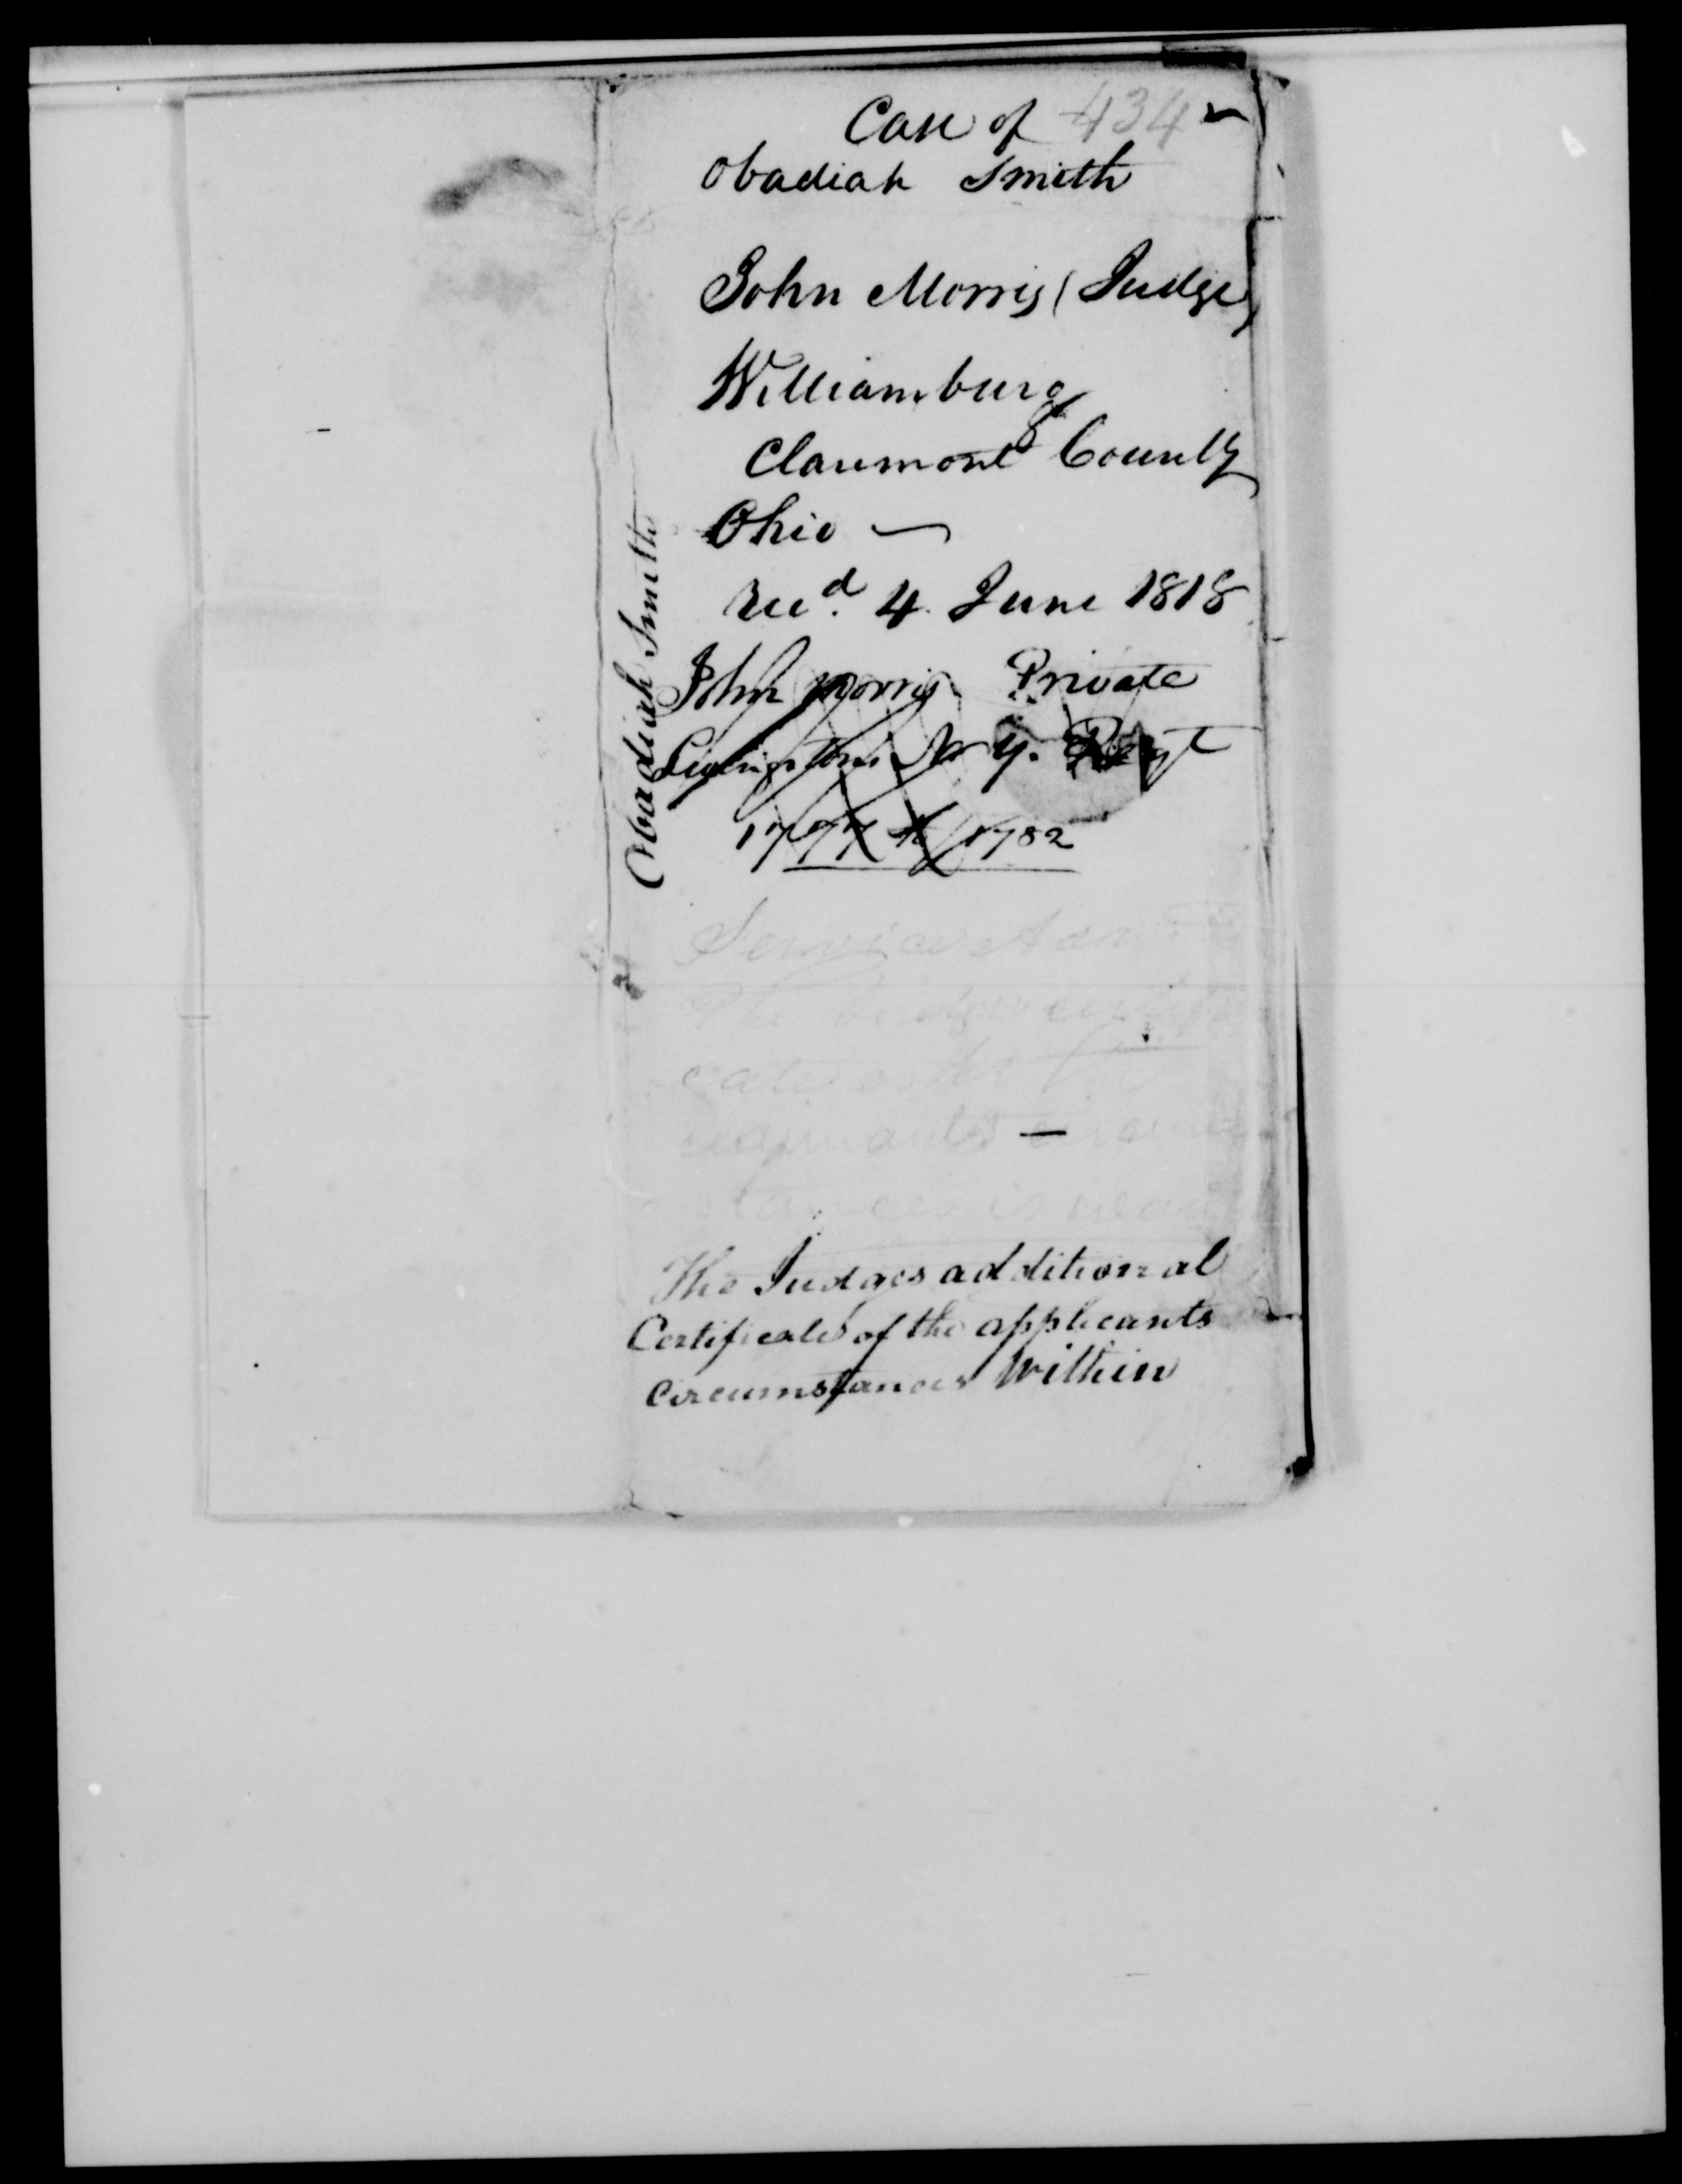Case of Obadiah Smith 434 
John Morris / Judge, Williamsburg Claumont County Ohio - recd. 4 June 1818 
Obadiah Smith 
[crossed out: "John Morris Privat Livingston N. Y. Regt 1777 to 1782"] 
[much of the next paragraph is so faded as to be illegible:] Served as Ad___  to the Judges certificate as the certificates ["ei" is crossed out] _____   _____ evidence 
This Judges additional Certificate of the applicants Circumstances William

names: John Morris; Obadiah Smith; Obadiah Smith; John Morris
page: 6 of 66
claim: survivor's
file: S 40458, for Obadiah Smith, New York